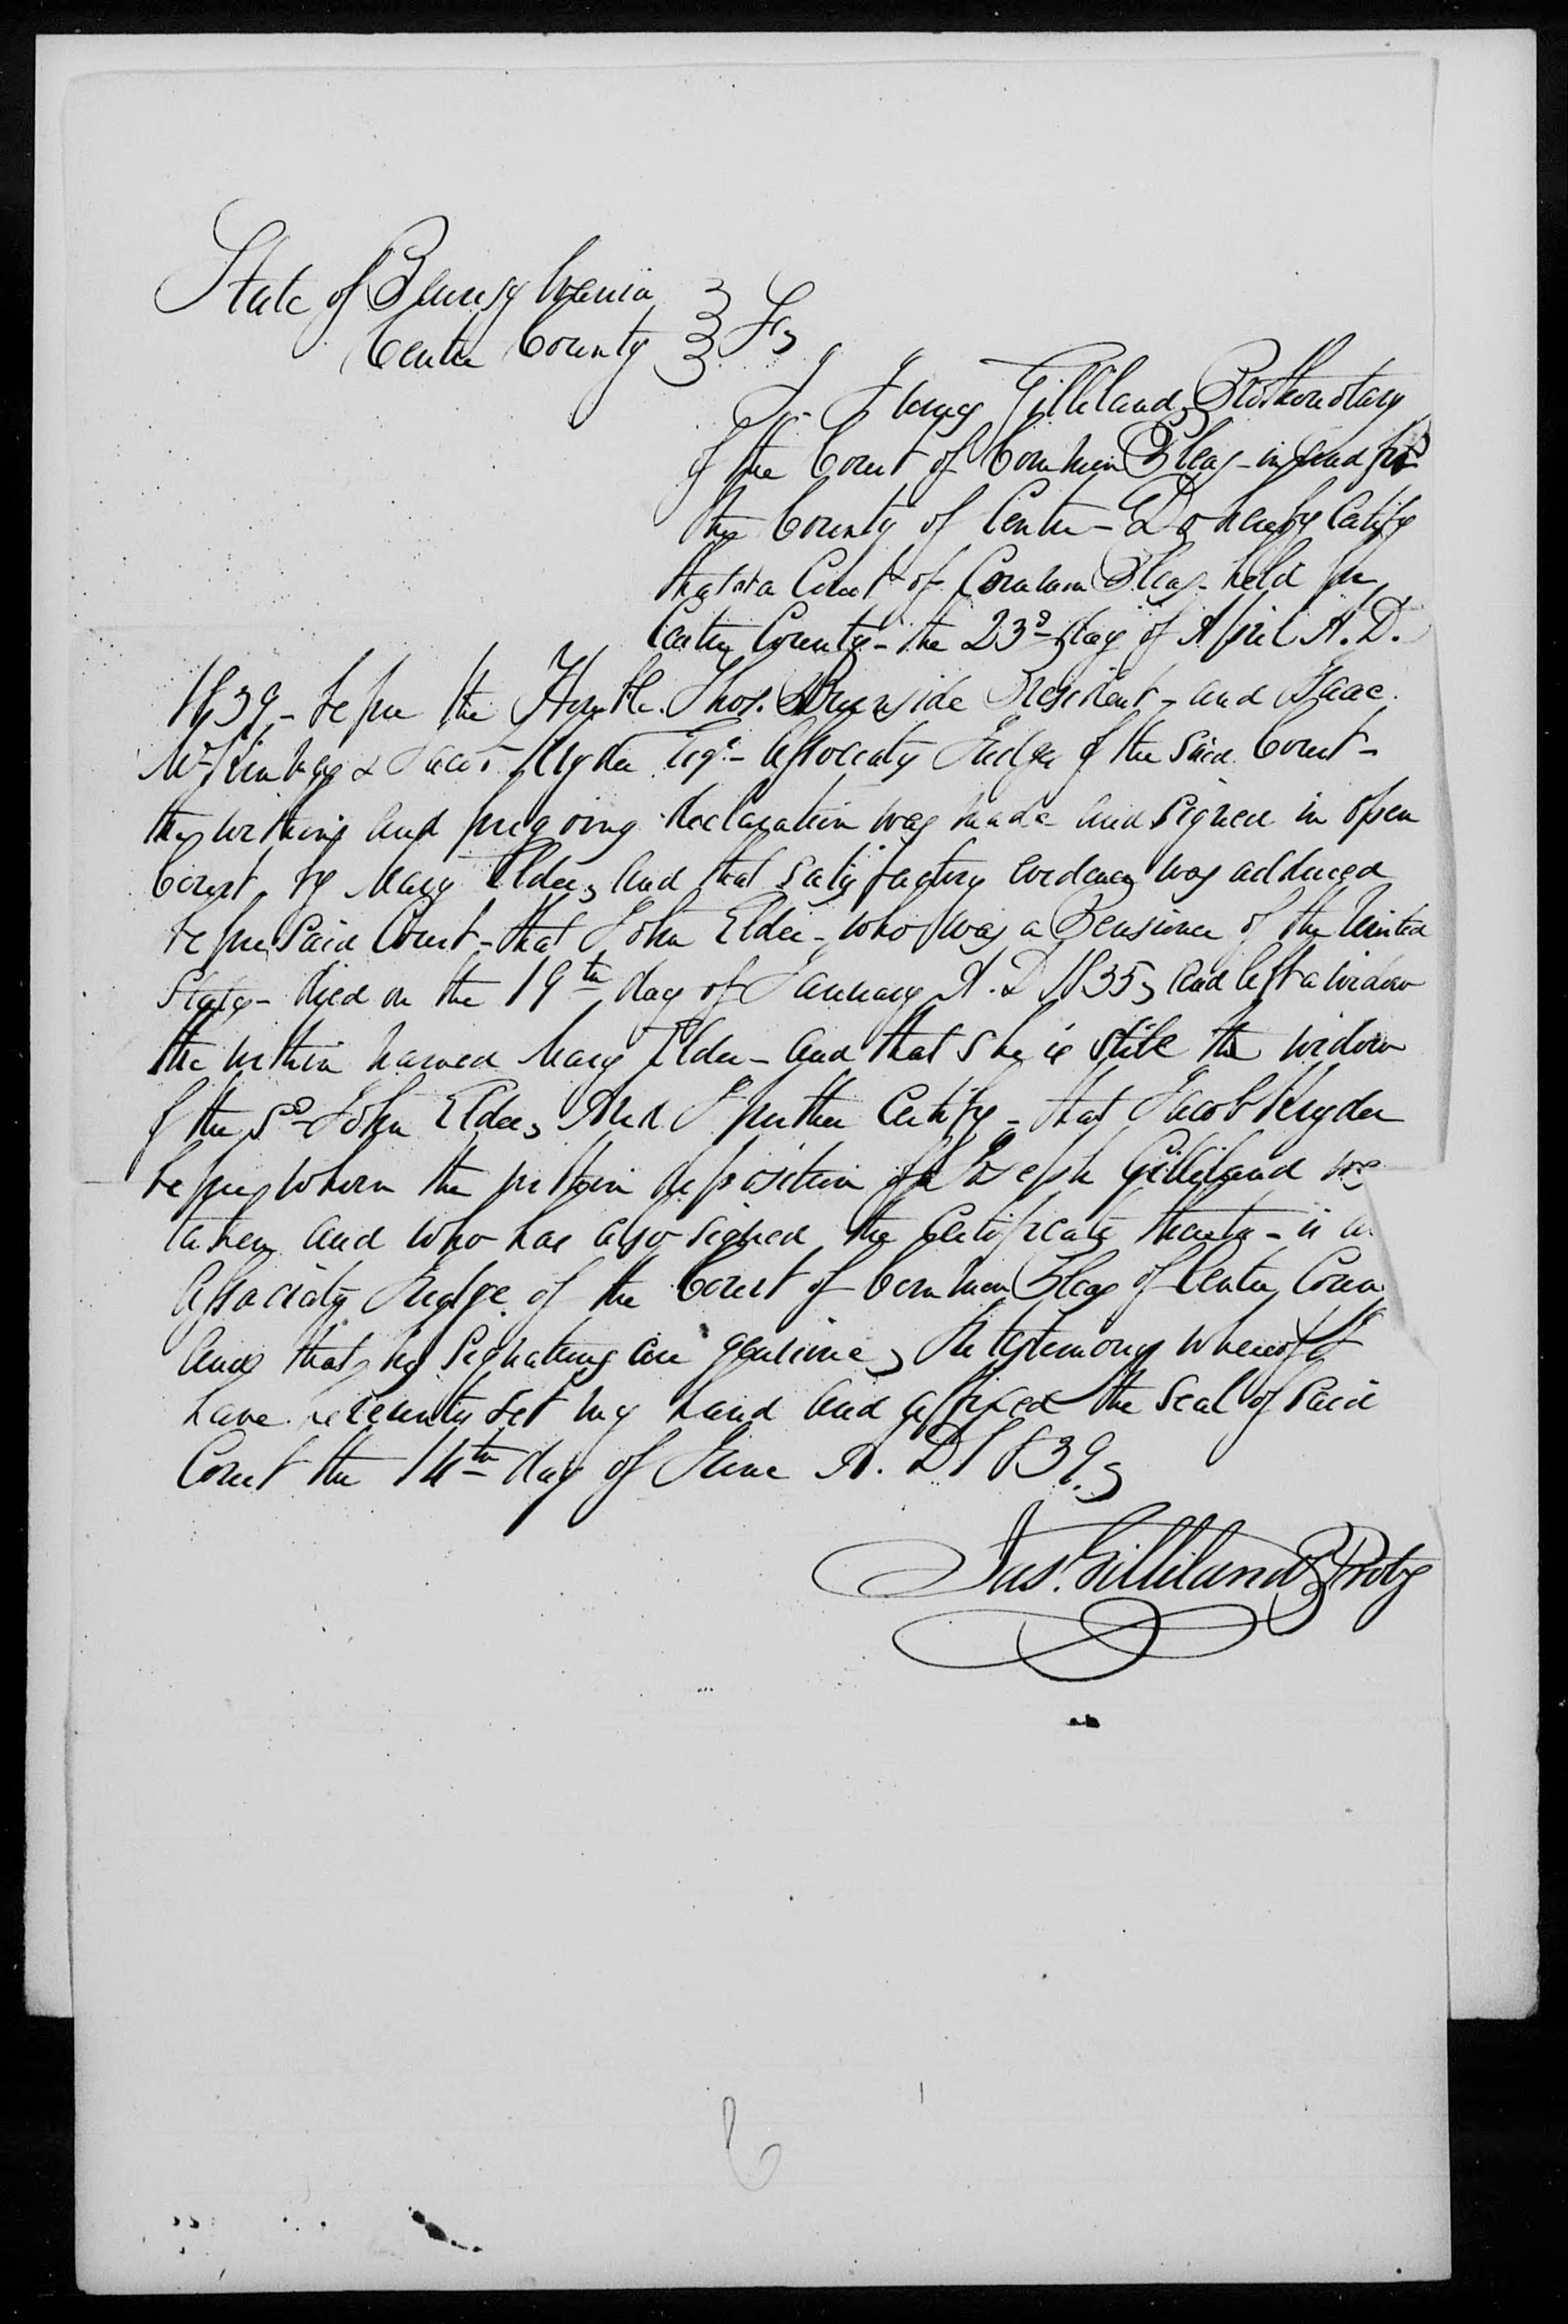State of Pennsylvania
Centre County

I James Gilliland, Prothonotary of the Court of Common Pleas in and for the County of Centre Do hereby certify that at a Court of Common Pleas held in Centre County the 23d day of April A.D. 1839, before the Hon. Thos. Burnside [illegible] and [illegible] & [illegible] - Associate Judge of the said Court - the [illegible] and foregoing declaration was made and signed in open Court by Mary Elder, and that satisfactory [illegible] was adduced [illegible] Said Court that John Elder who was a Pensioner of the United State died on the 18th day of January A.D 1835, and left a widow the hither named Mary Elder, and that she is still the widow of the sd John Elder, And I further certify that Jacob Ryder [illegible] whom the [illegible] deposition of Joseph Gilland [illegible] and who has also signed the Certificate [illegible] is a Associate Judge of the Court of Common Pleas of Centre Coun. and that his signatures are genuine, the testimony whereof have hereunto set my hand and affixed the Seal of [illegible] Court the 14th day of June A.D. 1839

Jas. Gilliland Proty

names: John Elder, Mary Elder, Jacob Kryder, Jacob Kryder, Isaac Mc Kinney, Joseph Gilliland, Jas Gilliland, Mary Elder, John Elder, Thos Brunside, Henry Gilliland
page: 58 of 80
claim: widow's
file: W. 24117, John Elder, Penn.